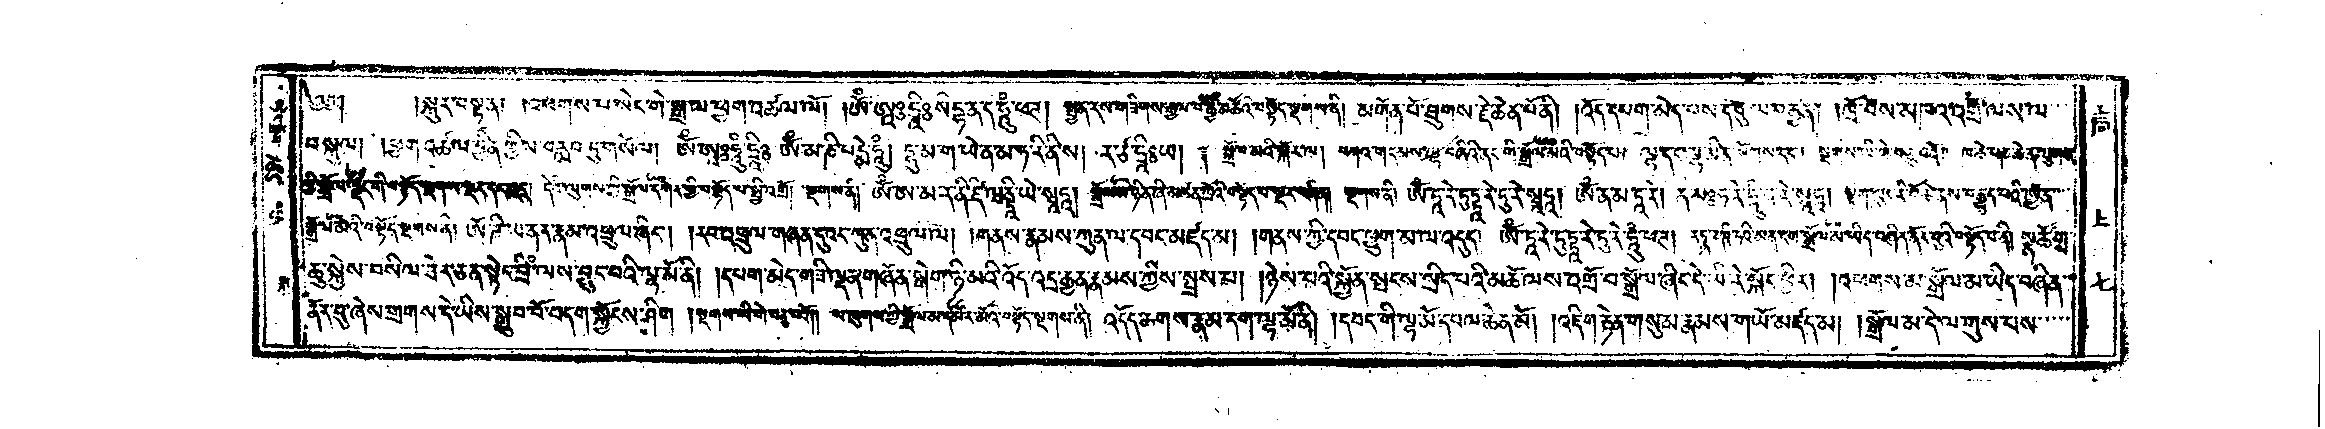༄༅། །སྐུར་བསྟན། །འཕགས་པ་སེང་གེ་སྒྲ་ལ་ཕྱག་འཚལ་ལོ། །ཨོཾ་ཨཱཿཧྲཱིཿསིདྷ་ན་ད་ཧཱུཾ་ཕཊ། སྤྱན་རས་གཟིགས་རྒྱལ་བ་རྒྱ༥༩་མཚོའི་བསྟོད་སྔགས་ནི། མགོན་པོ་ཐུགས་རྗེ་ཆེན་པོ་ནི། །འོད་དཔག་མེད་པས་དབུ་ལ་བརྒྱན། །ཁྲོ་བོས་མཁའ་འགྲོ་ལས་ལ་
བསྐུལ། །ཕྱག་འཚལ་བྱིན་གྱིས་བརླབ་ཏུ་གསོལ། ཨོཾ་ཨཱཿཧཱུཾ་ཧྲཱིཿ ཨོཾ་མ་ཎི་པདམེ་ཧཱུཾ། དྷུ་མ་ག་ཡེ་ན་མ་ཧ་རི་ནི་ས། ར་ཙ་ཧྲཱིཿཡ། ༈ སྒྲོལ་མའི་སྐོར་ལ། བཀའ་གདམས་ལྷ་བཞིའི་ནང་གི་སྒྲོལ༦༠་མའི་བསྟོད་པ། ལྷ་དང་ལྷ་མིན་སོགས་དང་། སྔགས་ཡི་གེ་བཅུ་པའོ། །ཁ་ཆེ་པཎ་ཆེན་ལུགས་
ཀྱི་སྒྲོལ་ལྗང༦༡་གི་བསྟོད་སྔགས་སྔར་དང་འདྲ། དེའི་ལུགས་ཀྱི་སྒྲོལ་དཀར༦༢་ཀྱི་བསྟོད་པ་སྤྱི་འགྲོ། སྔགས་ན། ཨོཾ་ཨ་མ་ར་ནི་ཛི་ཝནྟཱི་ཡེ་སྭཱཧཱ། སྒྲོལ་མ༦༣་ཉིན་ཞི་མཚན་ཁྲེའི་བསྟོད་པ་སྔར་བཞིན། སྔགས་ནི། ཨོཾ་ཏཱ་རེ་ཏུཏྟཱ་རེ་ཏུ་རེ་སྭཱཧཱ། ཨོཾ་ན་མ་ཏཱ་རེ། ན་མཿཧ་རེ་ཧཱུཾ་ཧ་རེ་སྭཱཧཱ། སྟག་ལུང་རི་བོ་ཆེ་ནས་བརྒྱུད་པའི་ཨཡོན་
སྒྲོལ༦༤་མའི་བསྟོད་སྔགས་ནི། ཨོ་ཌི་ཡ་ནར་རྣམ་འཕྲུལ་ཞིང་། །རབ་འཕྲུལ་གཞན་དུའང་ཀུན་འཕྲུལ་ལ། །གནས་རྣམས་ཀུན་ལ་དབང་མཛད་མ། །གནས་ཀྱི་དབང་ཕྱུག་མ་ལ་འདུད། ཨོཾ་ཏཱ་རེ་ཏུཏྟཱ་རེ་ཏུ་རེ་ཧཱུཾ་ཕཊ། རཏྣ་རཀྵི་ཏའི་མན་ངག་སྒྲོལ་མ༦༥་ཡིད་བཞིན་ནོར་བུའི་བསྟོད་པ་ནི། སྣ་ཚོགས་
ཆུ་སྐྱེས་བསིལ་ཟེར་ཅན་སྟེང་བྲིཾ་ལས་བྱུང་བའི་ལྷ་མོ་ནི། །དཔག་མེད་གཟི་ལྡན་གཞོན་སྒེག་ཉི་མའི་འོད་འདྲ་རྒྱན་རྣམས་ཀྱིས་སྤྲས་པ། །ཉེས་པའི་སྐྱོན་སྤངས་སྲིད་པའི་མཆོ་ལས་འགྲོ་བ་སྒྲོལ་ཞིང་དེ་ཡི་རེ་སྐོང་ཕྱིར། །འཕགས་མ་སྒྲོལ་མ་ཡིད་བཞིན་
ནོར་བུ་ཞེས་གྲགས་དེ་ཡིས་སྒྲུབ་པོ་བདག་སྐྱོངས་ཤིག་།སྔགས་ཡི་གེ་བཅུ་པའོ།། ས་ལུགས་ཀྱི་སྒྲོལ་མ་དམར༦༦་མོའི་བསྟོད་སྔགས་ནི། འདོད་ཆགས་རྣམ་དག་ལྷ་མོ་ནི། །དབང་གི་ལྷ་མོ་དཔལ་ཆེན་མོ། །འཇིག་རྟེན་གསུམ་རྣམས་གཡོ་མཛད་མ། །སྒྲོལ་མ་དེ་ལ་གུས་པས་